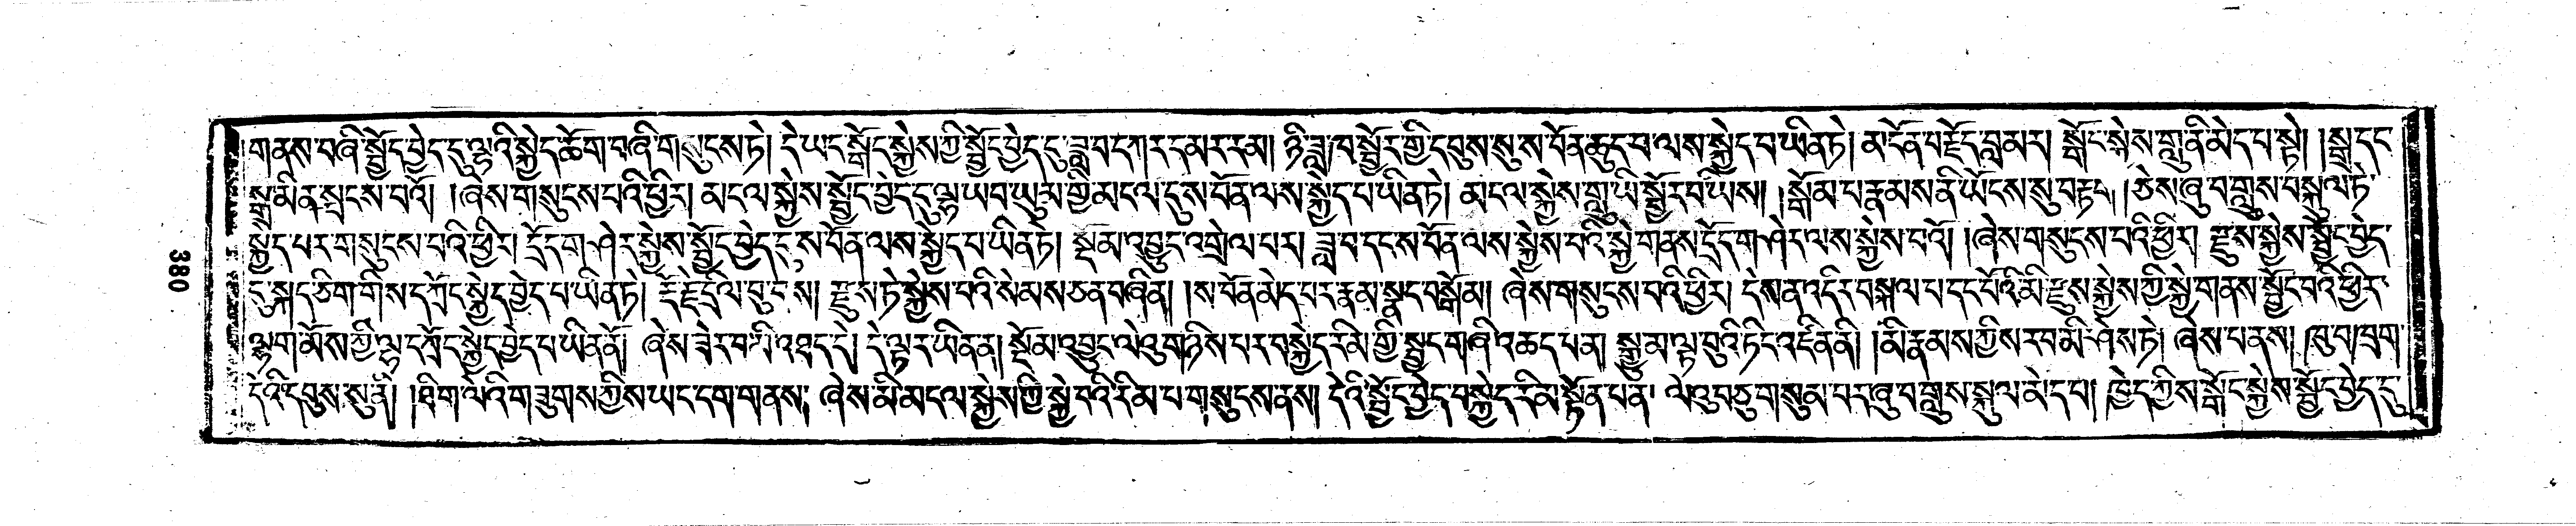གནས་བཞི་སྦྱོད་བྱེད་དུ་ལྷའི་སྐྱེད་ཆོ་ག་བཞི་གསུངས་ཏེ། དེ་ཡང་སྒོང་སྐྱེས་ཀྱི་སྦྱོང་བྱེད་དུ་ཟླ་བར་ཀར་དམར་རམ། ཉི་ཟླ་ཁ་སྦྱོར་གྱི་དབུས་སུ་ས་བོན་ཆུང་བ་ལས་སྐྱེད་པ་ཡིན་ཏེ། མངོན་བརྗོད་བླ་མར། སྒོང་སྐྱེས་གླུ་ནི་མེད་པ་སྟེ། །སྒྲ་དང་
སྒྲ་མིན་སྤངས་པའོ། །ཞེས་གསུངས་པའི་ཕྱིར། མངལ་སྐྱེས་སྦྱོང་བྱེད་དུ་ལྷ་ཡབ་ཡུམ་གྱི་མངལ་དུ་ས་བོན་ལས་སྐྱེད་པ་ཡིན་ཏེ། མངལ་སྐྱེས་གླུ་ཡི་སྦྱོར་བ་ཡིས། །སྒོམ་པ་རྣམས་ནི་ཡོངས་སུ་བརྟག །ཅེས་ཞུ་བ་གླུས་བསྐུལ་ཏེ་
སྐྱེད་པར་གསུངས་པའི་ཕྱིར། དྲོང་གཤེར་སྐྱེས་སྦྱོང་བྱེད་དུ་ས་བོན་ལས་སྐྱེད་པ་ཡིན་ཏེ། སྡོམ་འབྱུང་འགྲོལ་བར། ཟླ་བ་དང་ས་བོན་ལས་སྐྱེས་པའི་སྐྱེ་གནས་དྲོད་གཤེད་ལས་སྐྱེས་པའོ། །ཞེས་གསུངས་པའི་ཕྱིར། རྫུས་སྐྱེས་སྦྱོད་བྱེད་
དུ་སྐད་ཅིག་གིས་དཀྲོད་སྦྱོད་བྱེད་པ་ཡིན་ཏེ། རྡོ་རྗེ་དྲིལ་བུ་བས། རྫུས་ཏེ་སྐྱེས་པའི་སེམས་ཅན་བཞིན། །ས་བོན་མེད་པར་རྣམ་སྣད་བསྒོམ། ཞེས་གསུངས་པའི་ཕྱིར་རེ། དེས་ན་འདིར་བསྐལ་བ་དང་པོའི་མི་རྫུས་སྐྱེས་ཀྱི་སྐྱེ་གནས་སྦྱོང་བའི་ཕྱིར་
ལྷག་མོས་ཀྱི་ལྷ་དཀྲོད་སྐྱེད་བྱེད་པ་ཡིན་ནོ། ཞེས་ཟེར་བ་མི་འཐད་དེ། དེ་ལྟར་ཡིན་ན། སྡོམ་འབྱུང་ལེའུ་གཉིས་པར་བསྐྱེད་རིམ་གྱི་སྦྱང་གཞིའི་ཆད་པ་ན། སྒྱུ་མ་ལྟ་བུའི་ཏིང་འཛིན་ནི། །མི་རྣམས་ཀྱིས་རབ་མི་ཤེས་ཏེ། ཞེས་པ་ནས། ཁུ་བ་ཁྲག་
དེའི་དབུས་སུ་ནི། །ཐིག་ལེའི་གཟུགས་ཀྱིས་ཡང་དགག་ནས། ཞེས་མི་མངལ་སྐྱེས་ཀྱི་སྐྱེ་བའི་རིམ་པ་གསུངས་ནས། །དེའི་སྦྱོང་བྱེད་བསྐྱེད་རིམ་སྟོན་པ་ན། ལེའུ་བཅུ་གསུམ་པར་ཞུ་བ་གླུས་སྐུལ་མེད་པ། ཁྱེད་ཀྱིས་སྒོང་སྐྱེས་སྦྱོང་བྱེད་དུ་